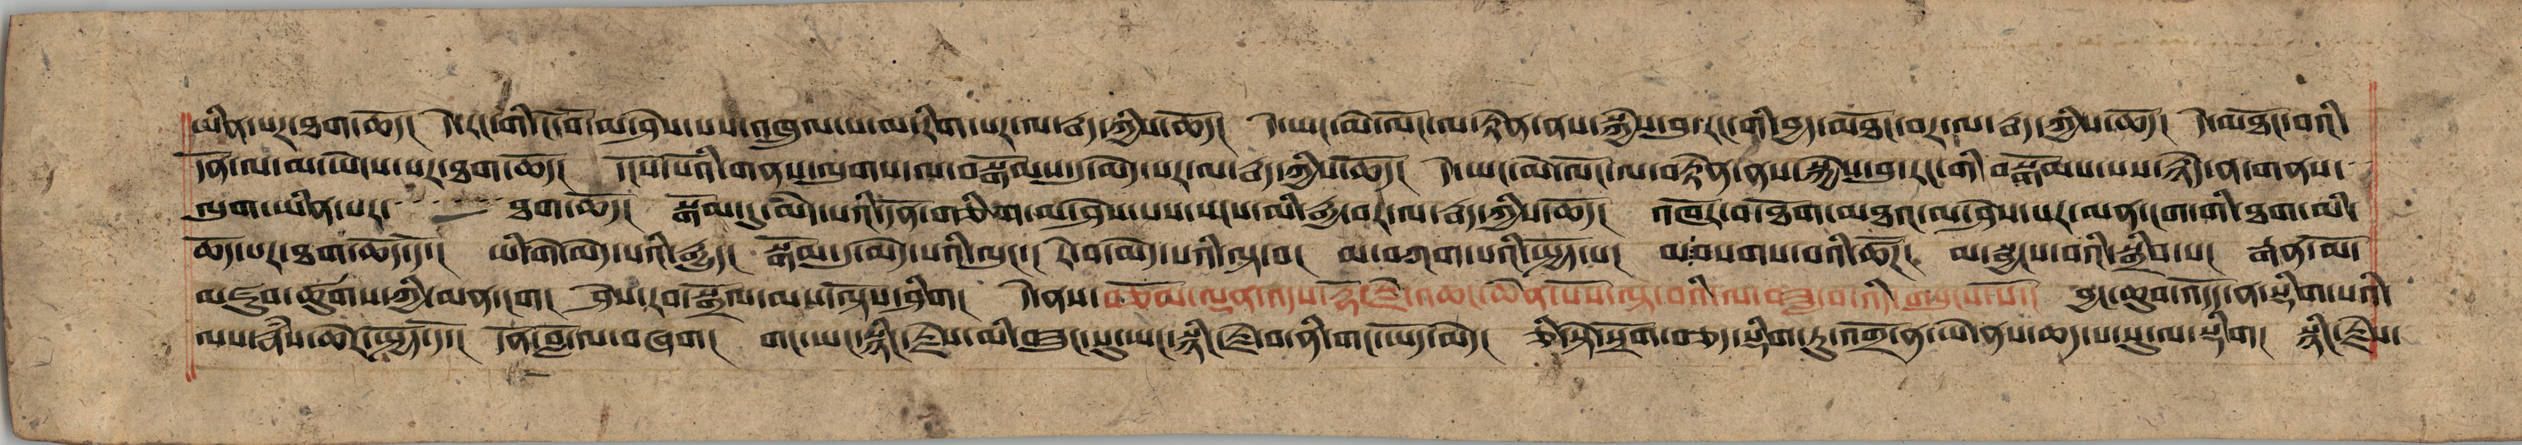ཡིན་པར་ཐག་ཆོད། དེ་རང་གི་ངོ་བོ་མ་ཤེས་པས་འཁྲུལ་པ་མ་རིག་པར་ལ་རྦད་ཀྱིས་ཆོད། དེ་ཡང་མེ་ལོང་ལ་རྟེན་ནས་སྐྱེས་བུ་རང་གི་བྱད་མཐོང་བར་ལ་རྦད་ཀྱིས་ཆོད། དེ་མཐོང་བའི་
དོན་ལ་མ་ཡེངས་པར་ཐག་ཆོད། དངོས་པོའི་གནས་ལུགས་ལ་བསྒོམས་དུ་མེད་པར་ལ་རྦད་ཀྱིས་ཆོད། དེ་ཡང་མེ་ལོང་ལ་བརྟེན་ནས་སྐྱེས་བུ་རང་གི་བསྒོམས་པས་རྙེད་ན་གནས་
ལུག་ཡིན་པར་ ཐག་ཆོད། སྒོམ་དུ་མེད་པའི་དོན་གཅིག་མ་ཤེས་པས་སངས་མི་རྒྱ་བར་ལ་རྦད་ཀྱིས་ཆོད། འཁོར་བ་ཐོག་མཐའ་ལ་ཤེས་པར་མན་ངག་གི་ཐག་མི་
ཆོད་པར་ཐག་ཆོད་དོ་། ཡི་གེ་མེད་པའི་རྒྱུད། སྒོམ་དུ་མེད་པའི་ལུང་། རེ་བ་མེད་པའི་ལྟ་བ། མ་འཀག་པའི་སྤྱོད་པ། མ་བསགས་པའི་ཚོཌ། མ་སྦྱངས་བའི་སྒྲིབ་པ། རྒན་མོ་
མཛུབ་ཚུགས་ཀྱི་མན་ངག། ཤེས་རབ་སྒྲོལ་མས་ལྟོས་ཤིག། དེ་ནས་བཅོམ་ལྡན་འདས་རྡོ་རྗེ་འཆང་ཆེན་པོས་ལྟ་བའི་ལ་བཟླ་བ་འདི་གསུངས་སོ་། བྱང་ཆུབ་འདོད་ན་སྡིག་པའི་
ལས་རྣཾས་ཆེར་སྤྱོད་དོ་། དོན་བློ་ལ་བཞག། གང་ཡང་སྙིང་རྗེས་མི་བཟུང་སུ་ཡང་སྙིང་རྗེ་བ་ནི་གང་ཡོད་མེད། ཅི་སྟེ་སྲོག་བཅད་སྡིག་ཏུ་འགྲོ་ན་ཡེ་ནས་ཆད་པ་སུ་ལ་སྡིག། སྙིང་རྗེས་